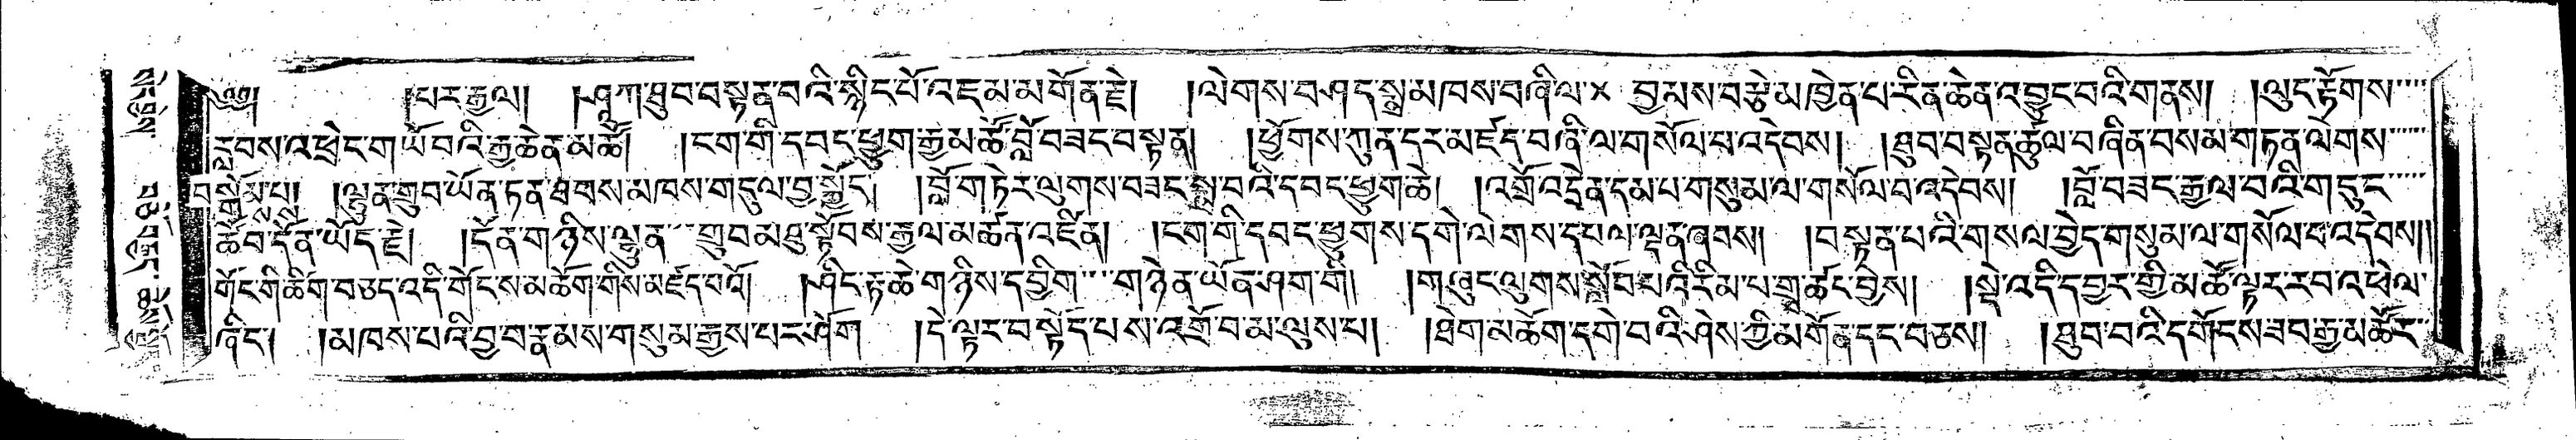༄༅། །ཕར་རྒྱལ། །ཤཱཀ་ཐུབ་བསྟན་བའི་སྙིང་པོ་འཇམ་མགོན་རྗེ། །ལེགས་བཤད་སྨྲ་མཁས་བཞི་ལ་{྾}་བྱམས་བརྩེ་མཁྱེན་པ་རིན་ཆེན་འབྱུང་བའི་གནས། །ལུང་རྟོགས་
རླབས་འཕྲེང་གཡོ་བའི་རྒྱ་ཆེན་མཚོ། །ངག་གི་དབང་ཕྱུག་རྒྱ་མཚོ་བློ་བཟང་བསྟན། །ཕྱོགས་ཀུན་དར་མཛད་བཞི་ལ་གསོལ་བ་འདེབས། །ཐུབ་བསྟན་ཚུལ་བཞིན་བསམ་གཏན་ལེགས་
བསྒོམས་པས། །ལྷུན་གྲུབ་ཡོན་ཏན་ཐབས་མཁས་གདུལ་བྱ་སྐྱོང་། །བློ་གཏེར་ལུགས་བཟང་སྨྲ་བའི་དབང་ཕྱུག་ཆེ། །འགྲོ་འདྲེན་དམ་པ་གསུམ་ལ་གསོལ་བ་འདེབས། །བློ་བཟང་རྒྱལ་བའི་གདུང་
ཚོབ་དོན་ཡོད་རྗེ། །དོན་གཉིས་ལྷུན་གྲུབ་མཐུ་སྟོབས་རྒྱལ་མཚན་འཛིན། །ངག་གི་དབང་ཕྱུགས་དགེ་ལེགས་དཔལ་ལྡན་ཞབས། །བསྟན་པའི་གསལ་བྱེད་གསུམ་ལ་གསོལ་བ་འདེབས། །
གོང་གི་ཚིག་བཅད་འདི་གོང་ས་མཆོག་གིས་མཛད་པའོ། །ཤིང་རྟ་ཆེ་གཉིས་དབྱིག་གཉེན་ཡོན་ཤག་གི །གཞུང་ལུགས་སློབ་པའི་རིམ་པ་གྲྭ་ཚང་བྱེས། །སྡེ་འདི་དབྱར་གྱི་མཚོ་ལྟར་རབ་འཕེལ་
ཞིང་། །མཁས་པའི་བྱ་བ་རྣམས་གསུམ་རྒྱས་པར་ཤོག །དེ་ལྟར་བསྟོད་པས་འགྲོ་བ་མ་ལུས་པ། །ཐེག་མཆོག་དགེ་བའི་ཤེས་ཀྱི་མགོན་དང་བཅས། །ཐུབ་བའི་དགོངས་ཟབ་རྒྱ་མཚོར་